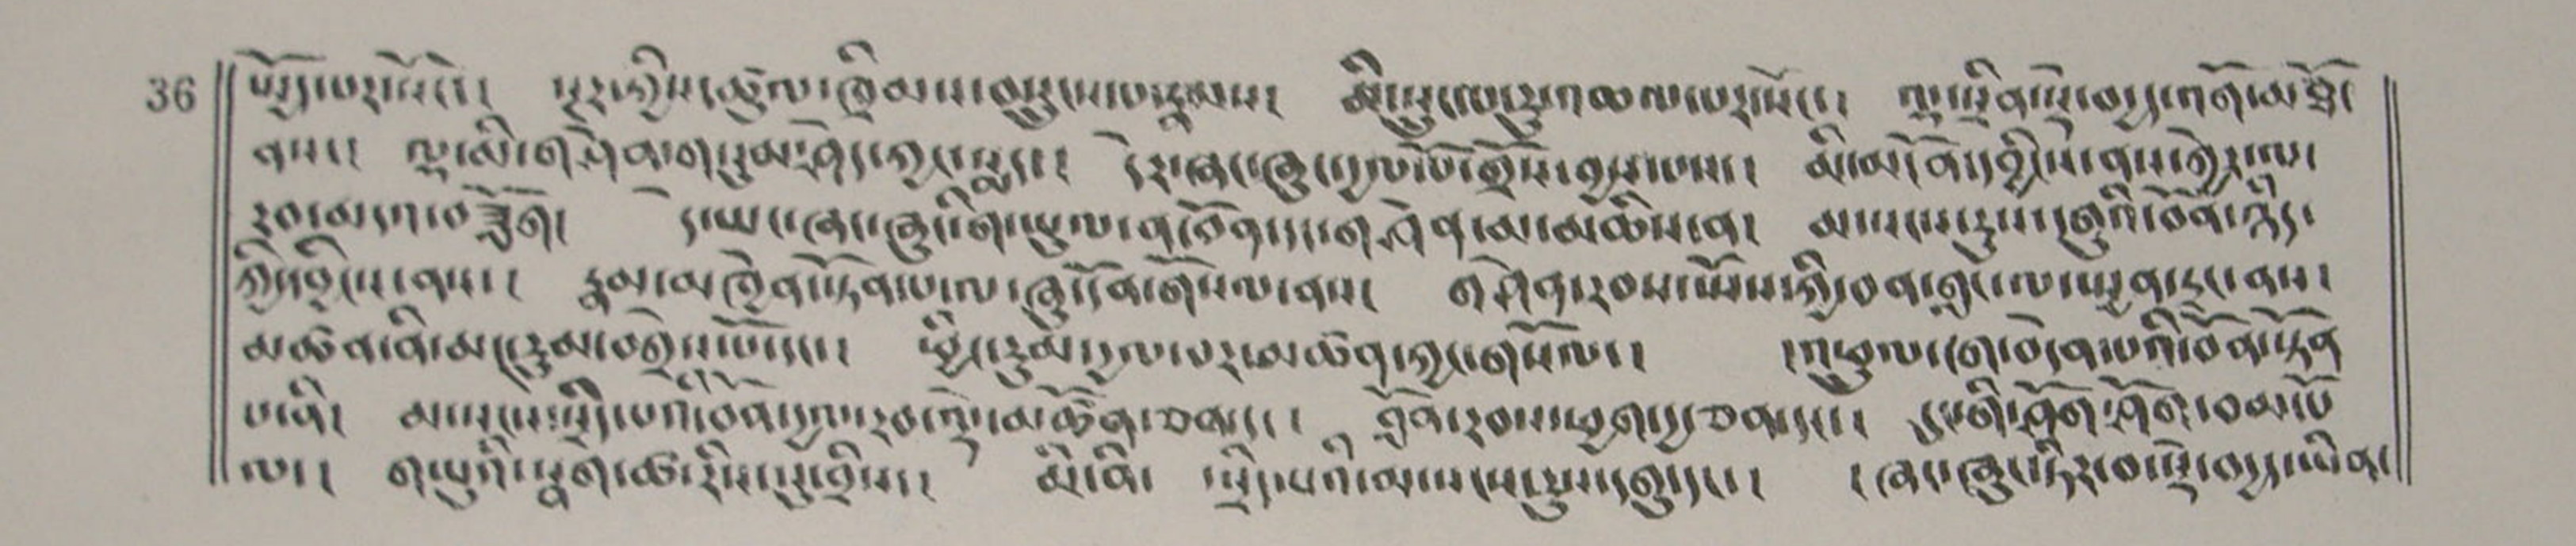སྤྱོད་པར་སོང་། སྔར་གྱི་ཚུལ་ཁྲིམས་བསྲུངས་པ་རྣམས། མི་བསྲུངས་པ་རུ་འཆལ་བར་སོང་། །ལྷ་སྲིན་སྡེ་བརྒྱད་མགོ་མཐོའ་
ནས། ལྷ་མི་གཤེན་གསུམ་ནི་ཤེད་ཀྱང་སྨད། དེར་ཞང་ཞུང་རྒྱལ་པོ་(པོར)་གྲོས་བྱས་པས། མི་མངོན་དབྱིངས་ནས་གྱེར་ལ་
ར་མདའ་བཟློག དེ་ཡང་ཞང་ཞུང་གི་ཡུལ་ན་བོན་དང་གཤེན་མ་མཆིས་ན། མ་སངས་རུས་དགུའི་བོན་ཉིད་
ཀྱི་དབྱིངས་ནས། རྣམ་མཁྱེན་སྟོན་པ་ཞུ་དོན་གསོལ་ནས། གཤེན་རབ་སྤོས་ཀྱི་བ་གླང་ལ་སྤྱན་དྲངས་ནས། 
མཚན་ནི་མང་རུམ་བགྲེས་པོ་དང་། ཕྱིང་རུམ་རྒྱལ་བར་མཚན་ཀྱང་གསོལ་ལོ། །འཕྲུལ་ངག་བདེན་པའི་བོན་སྟོན་
པ་ནི། མ་སངས་སྲིད་པའི་བོན་རྒྱལ་རབས་ལྡེ་མཚོན་ཅན་དང་། བློན་རབས་ཕྱག་རྒྱ་ཅན་དང་། དུང་གི་ཤོག་ཤོག་བམ་པོ་
ལ། གཡུའི་སྣག་ཚ་རིས་སུ་བྲིས། མི་ནི་སྲིད་པའི་མ་སངས་རུས་དགུ་དང་། ཞང་ཞུང་ཏིར་བ་སྡེ་བརྒྱད་ཡིན།